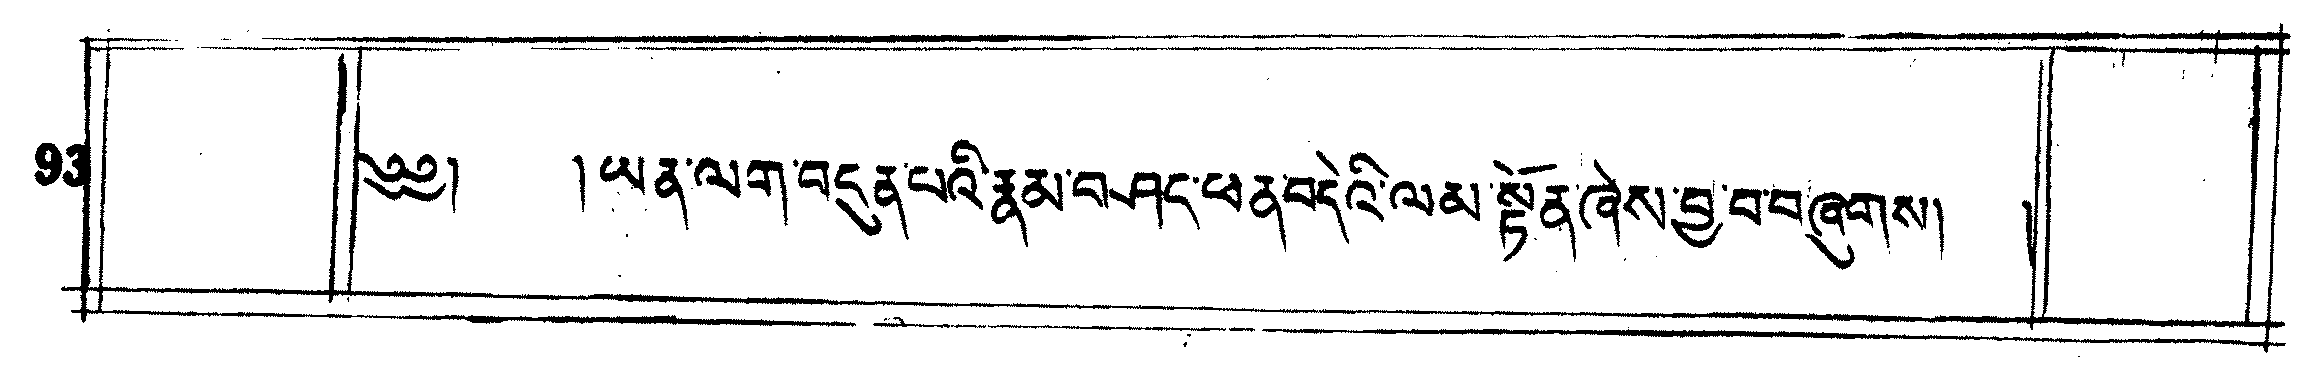༄༅། །ཡན་ལག་བདུན་པའི་རྣམ་བཤད་ཕན་བདེའི་ལམ་སྟོན་ཞེས་བྱ་བ་བཞུགས། །